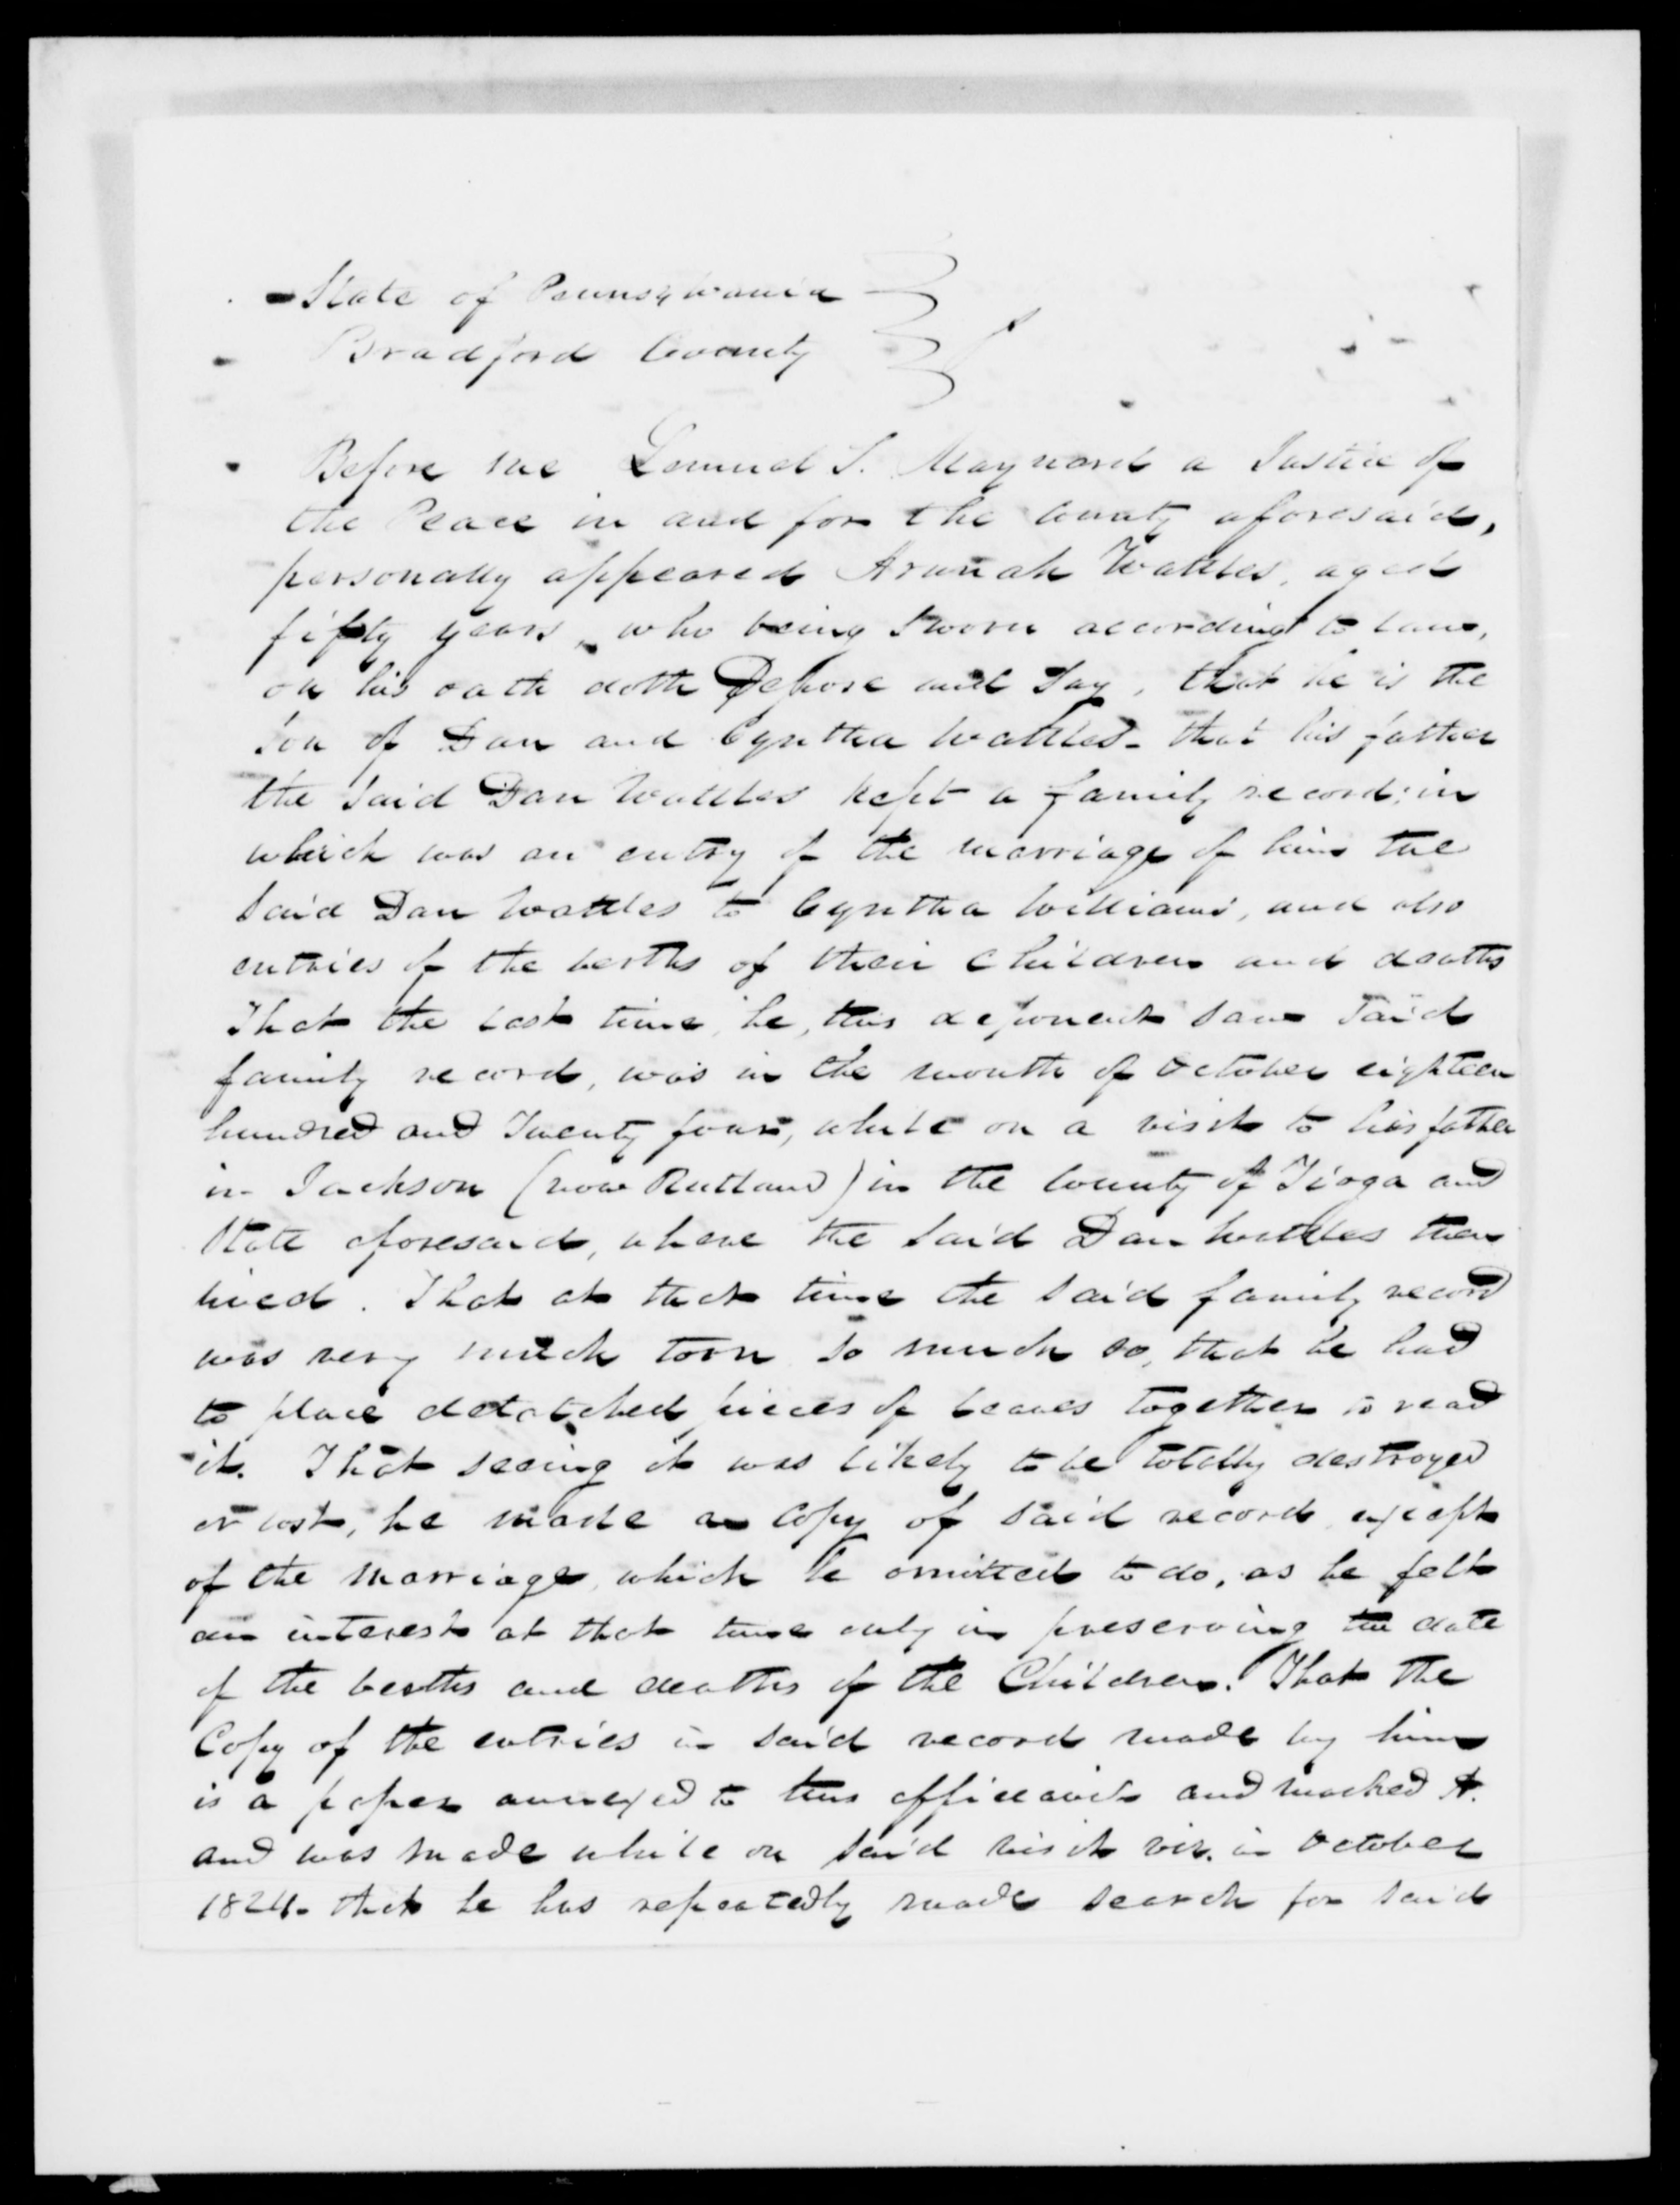State of Pennsylvania }
Bradford County } ss
Before me Samuel T. Maynard a Justice of the Peace in and for the County aforesaid, personally appeared Arunah Wattles, aged fifty years who being sworn according to law on his oath doth depose and say, that he is the Son of Dan and Cyntha Wattles that his father the said Dan Wattles kept a family record in which was an entry of the marriage of his the said Dan Wattles to Cyntha Williams, and also entries of the births of their children and deaths That the last time he this deponent saw said family record was in the month of October eighteen hundred and Twenty four, while on a visit to his father in Jackson (now Rutland) in the County of Tioga and State aforesaid, where the said Dan Wattles then lived. That at that time the said family record was very much torn so much so, that he had to place detached pieces of leaves together to read it. That seeing it was likely to be totally destroyed or lost he made a copy of said record except of the marriage which he omitted to do, as he felt
an interest at that time only in preserving the date of the births and deaths of the children. That the Copy of the entries in said record made by him is a paper annexed to the affidavits and marked A. and was made while on said visit viz in October 1824, that he has repeatedly made search for said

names: Cyntha Wattles, Cyntha Williams, Arunah Wattles, Lamuel S Maynard, Dan Wattles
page: 8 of 70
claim: widow's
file: W. 3743, Dan Wattles, Conn.